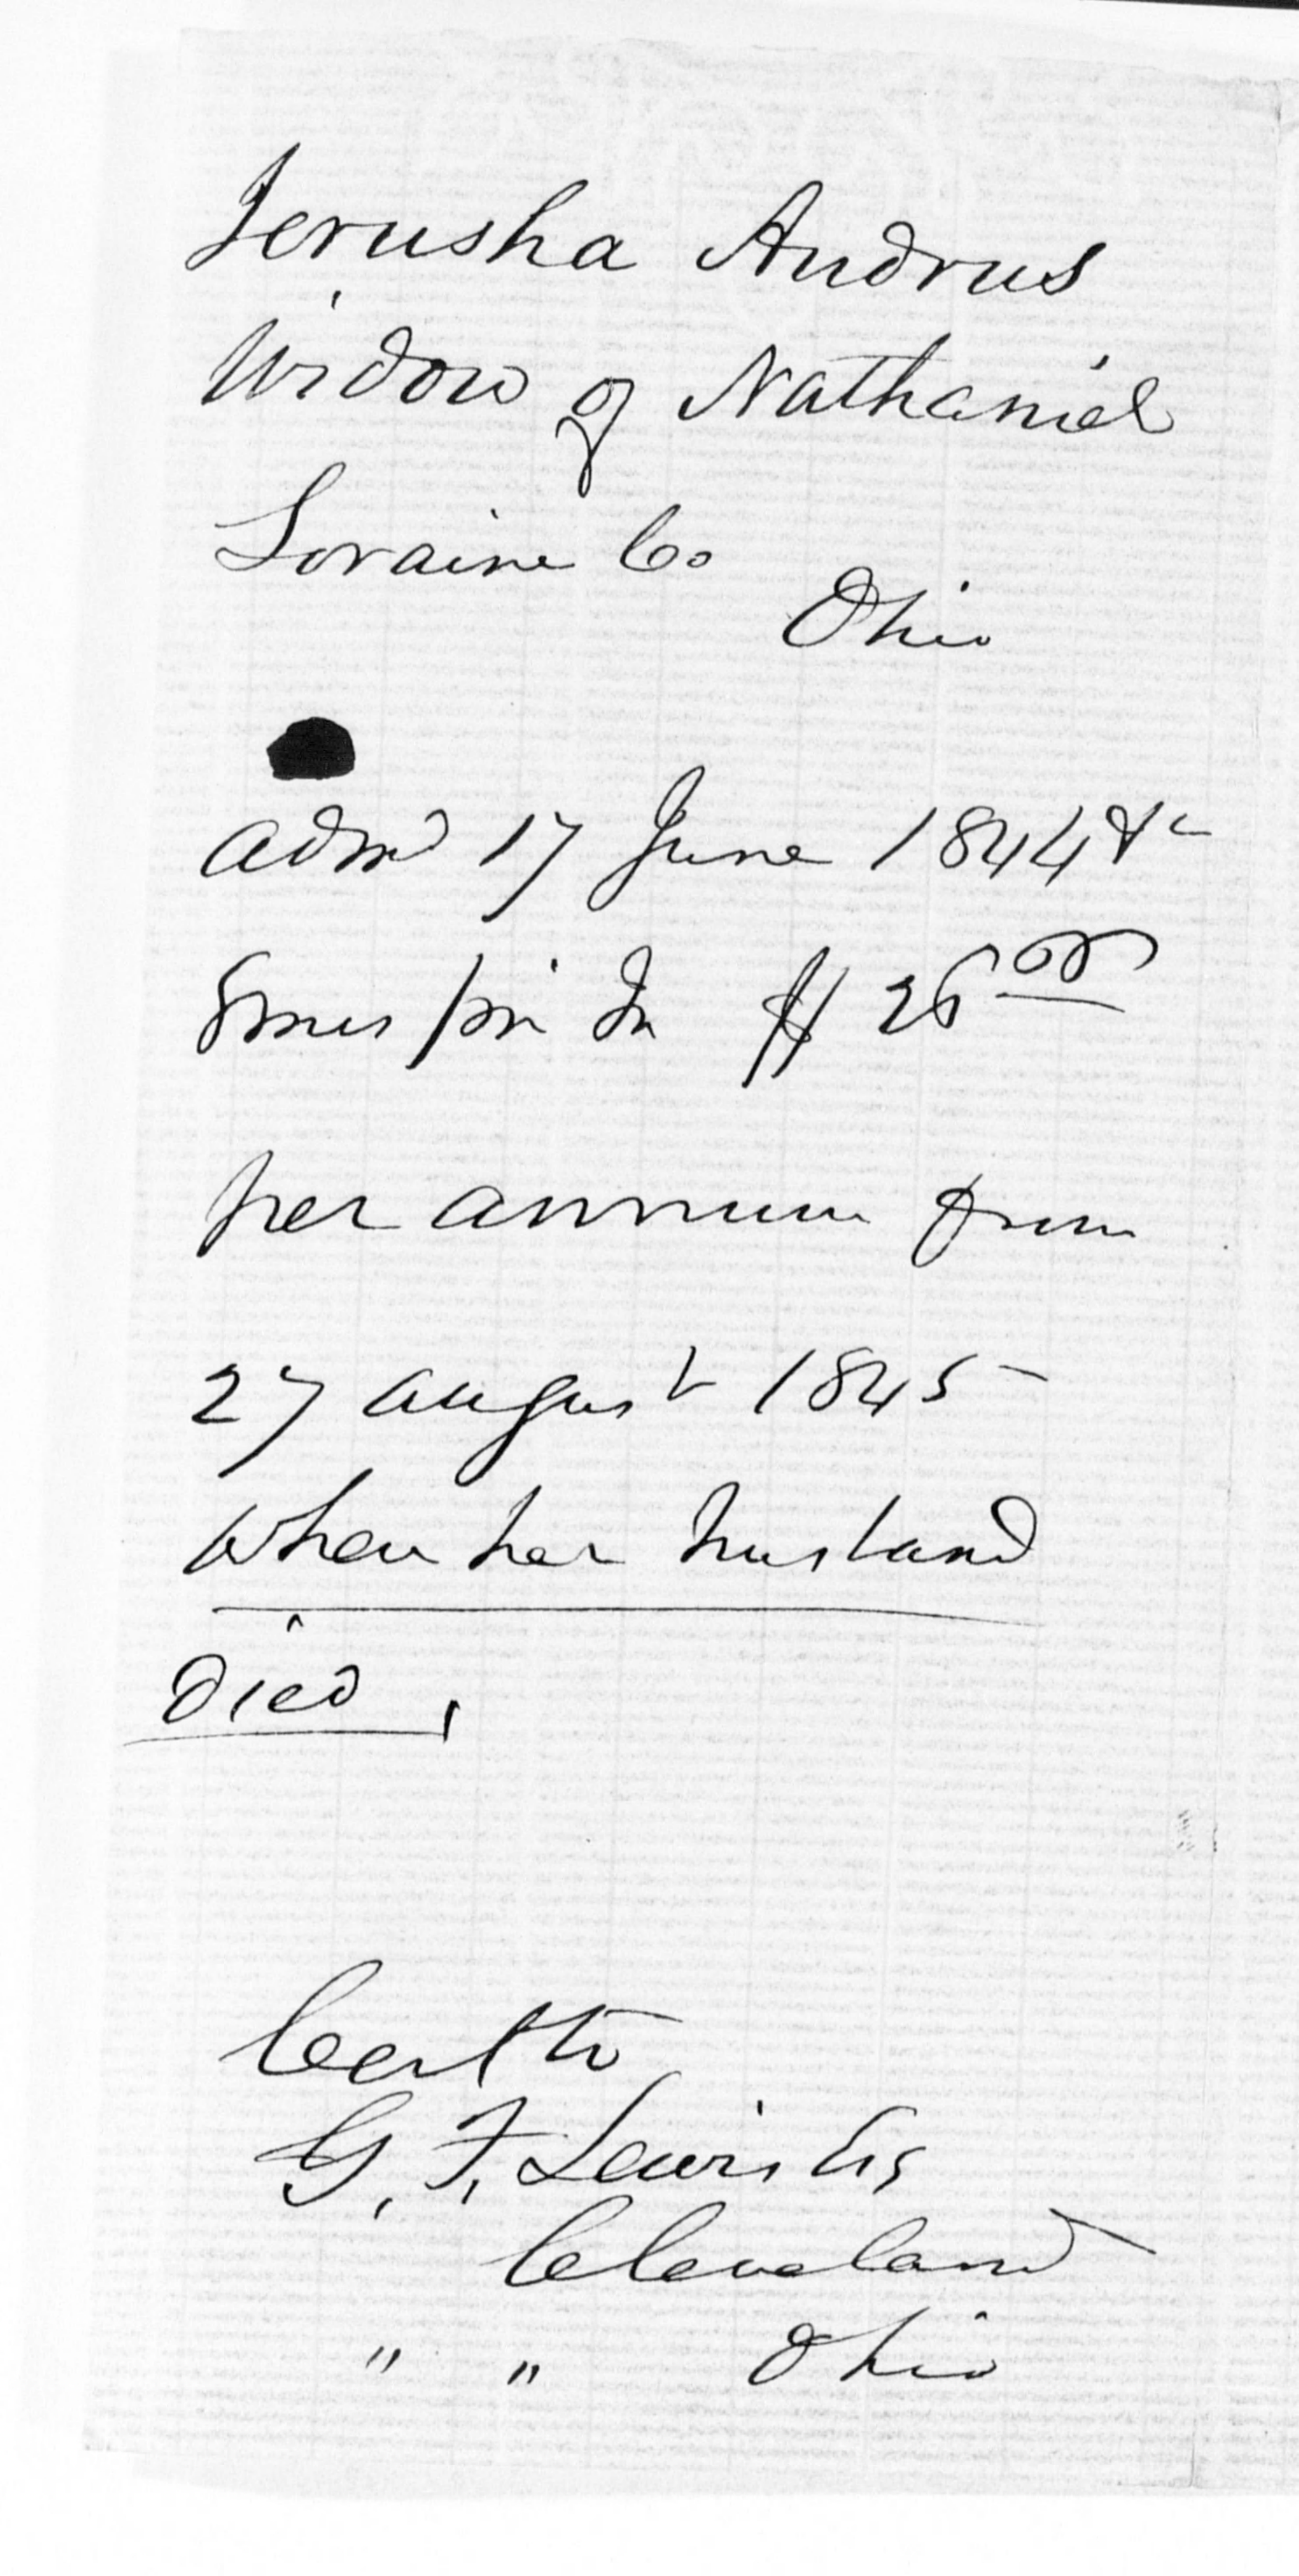Jerusha Andrew
Widow of Nathaniel
Loraine Co
Ohio
Adm 17 June 1844
&c
Smir for Jn $26.00
her annum from
27 August 1845
When her husband
died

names: Nathaniel, Jerusha Andrus, G F Lewis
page: 26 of 78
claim: widow's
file: W. 4117, Nathaniel Bradley, Conn.